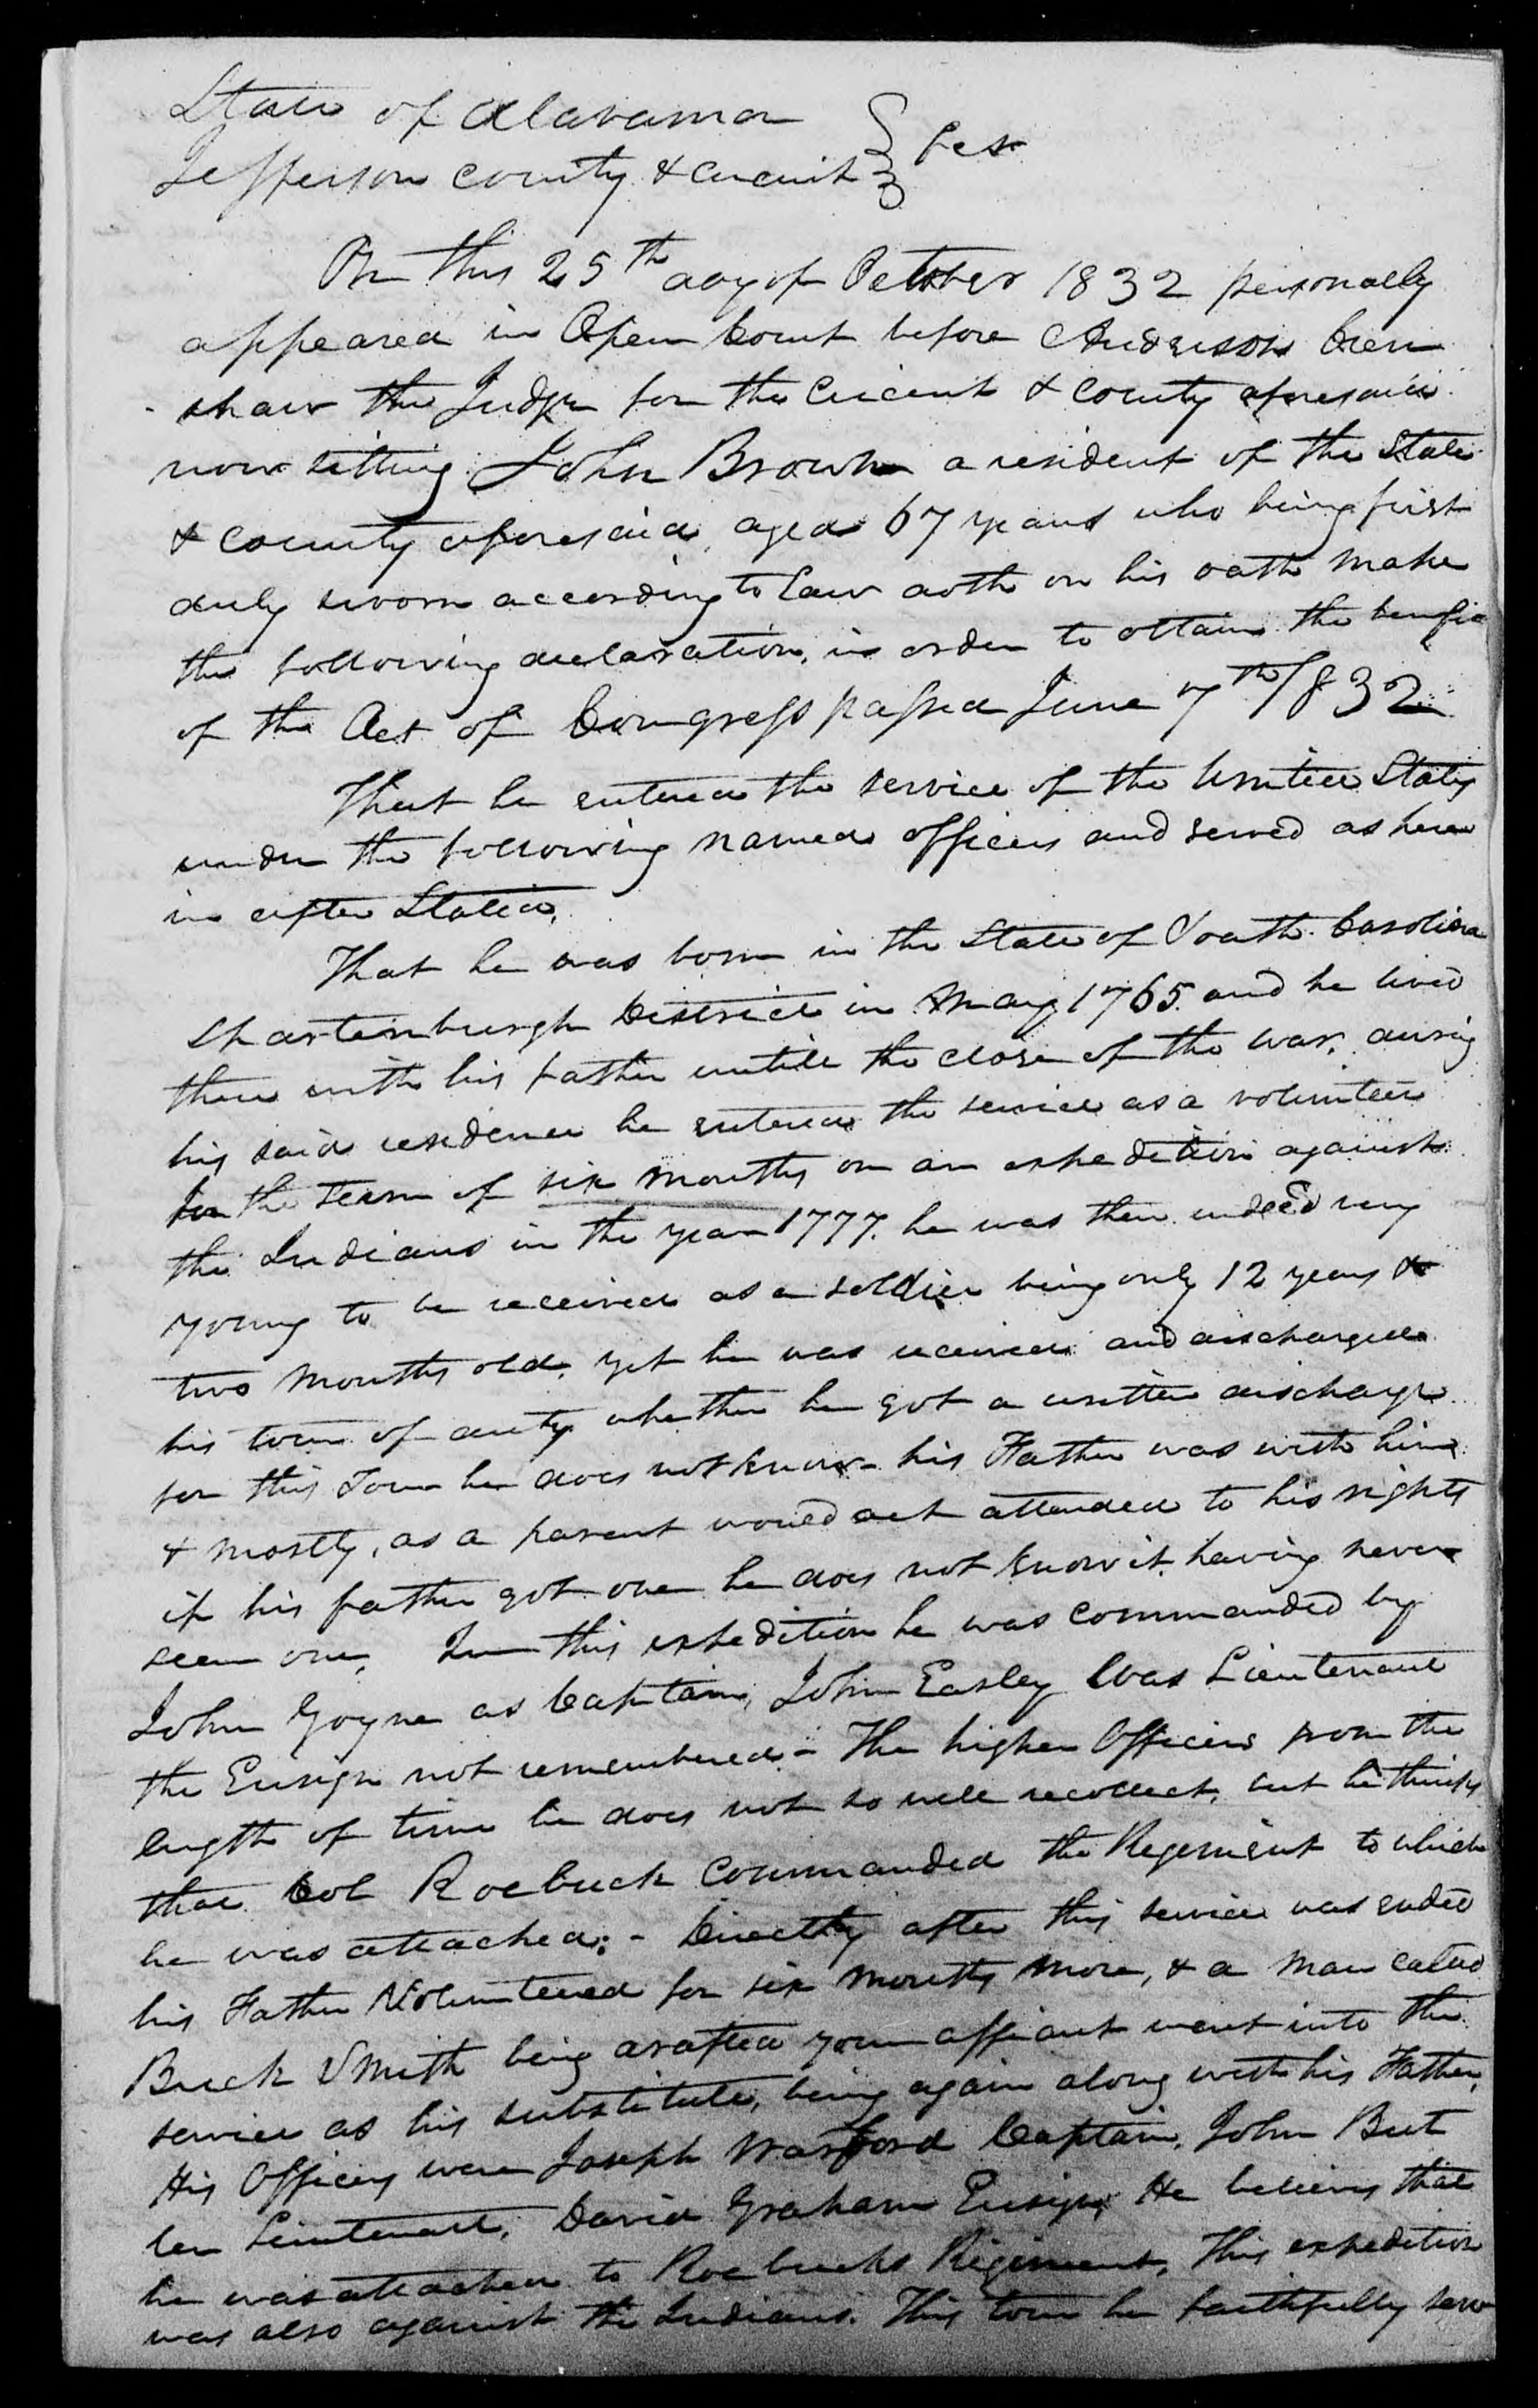State of Alabama
Jefferson County & circuit
On this 25th day of October 1832 personally appeared in Open Court before Anderson Crenshaw
 the Judge for the circuit & County aforesaid now sitting John Brown a resident of the State & County aforesaid, aged 67 years who being first duly sworn according to law doth on his oath make the following declaration in order to obtain the benefit of the Act of Congress passed June 7th 1832
That he entered the service of the United States under the following named officers and served as herein after stated
That he was born in the State of South Carolina Spartanburgh District in May 1765. and he lived there with his father until the close of the war, during his said residence he entered the service as a volunteer for the term of six months on an expedition against the Indians in the year 1777, he was then indeed very young to be received as a soldier being only 12 years two months old, yet he was received and discharged his tour of duty whether he got a written discharge for this Tour he does not know his Father was with him & mostly as a parent would act attended to his right if his father got one he does not know it having never
seen one. During this expedition he was commanded by John Goyne [Coyne] as Captain, John Easley was Lieutenant, the Ensign not remembered. The higher officers from the length of time he does not so well recollect, but he thinks that Col [Benjamin] Roebuck commanded the Regiment to which he was attached:-- Directly after this service was ended  his Father volunteered for six months more & a man called
Buck Smith being drafted your affiant went into the service as his substitute, being again along with his Father his officers were Joseph Warford [Wofford] Captain, John Butler  Lieutenant, David Graham Ensign. He believe that he was attached to Roebucks Regiment, this expedition was also against the Indians. This tour he faithfully served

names: David Graham, Roebuck, Joseph Watford, Anderson, John Goyne, Buck Smith, John Butler, John Easley, John Brown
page: 6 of 85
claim: widow's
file: W. 5,906, John Brown, S.C.